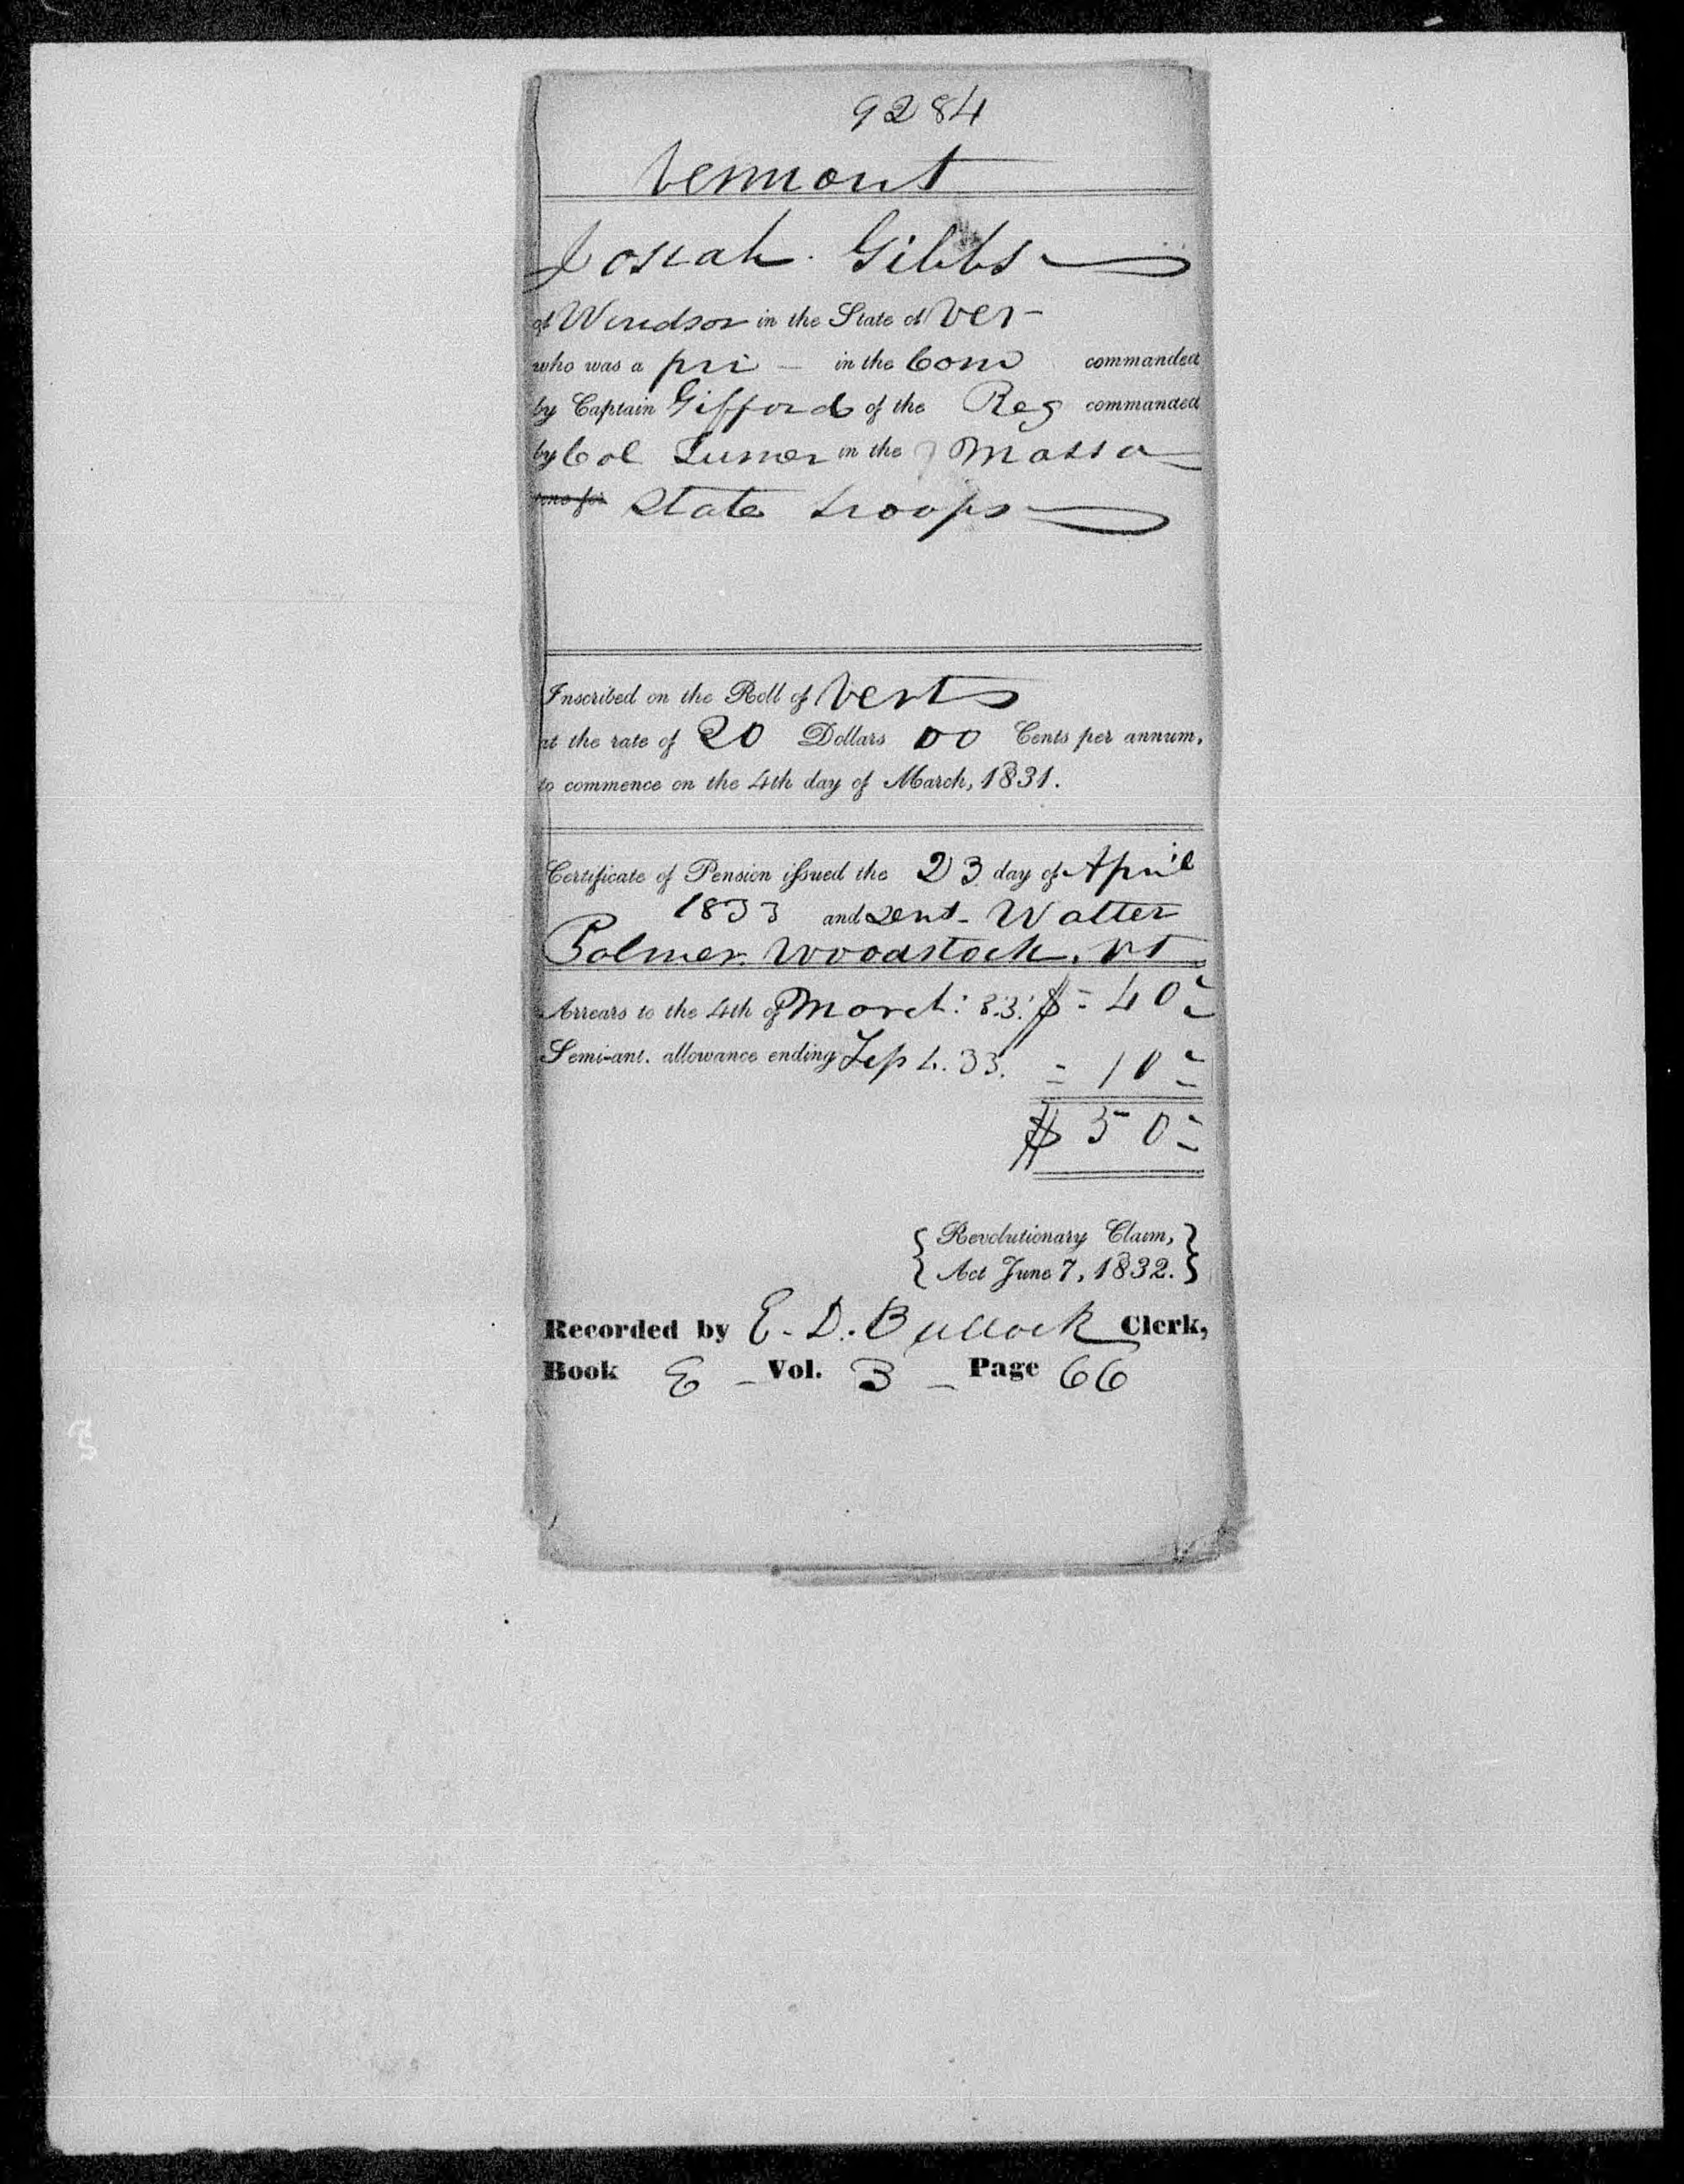9284
Vermont
Josiah Gibbs of Windsor in the State of Ver- who was a pri. in the com commanded
by Captain Gifford of the Reg commanded
by Col Turner in the Mass State Troops
Inscribed on the Roll of Verts at the rate of 20 Dollars 00 Cents per annum, to commence on the 4th day of March, 1831.
Certificate of Pension issued the 23 day of April 1837 and sent. Walter Palmer.
Woodstock, Vt.
---
Arrears to the 4th of March 33 $40-
Semi-anl. allowance ending Sep. 33.   10-
                                                           $50-

{Revolutionary Claim,}
{Act June 7, 1832.}


Recorded by E. D. Bullock Clerk
Book    Vol. 3   Page 66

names: Walter Palmer, Gifford, Turner, Josiah Gibbs, E D Bullock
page: 2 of 33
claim: widow's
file: W. 4681, Josiah Gibbs, Mass